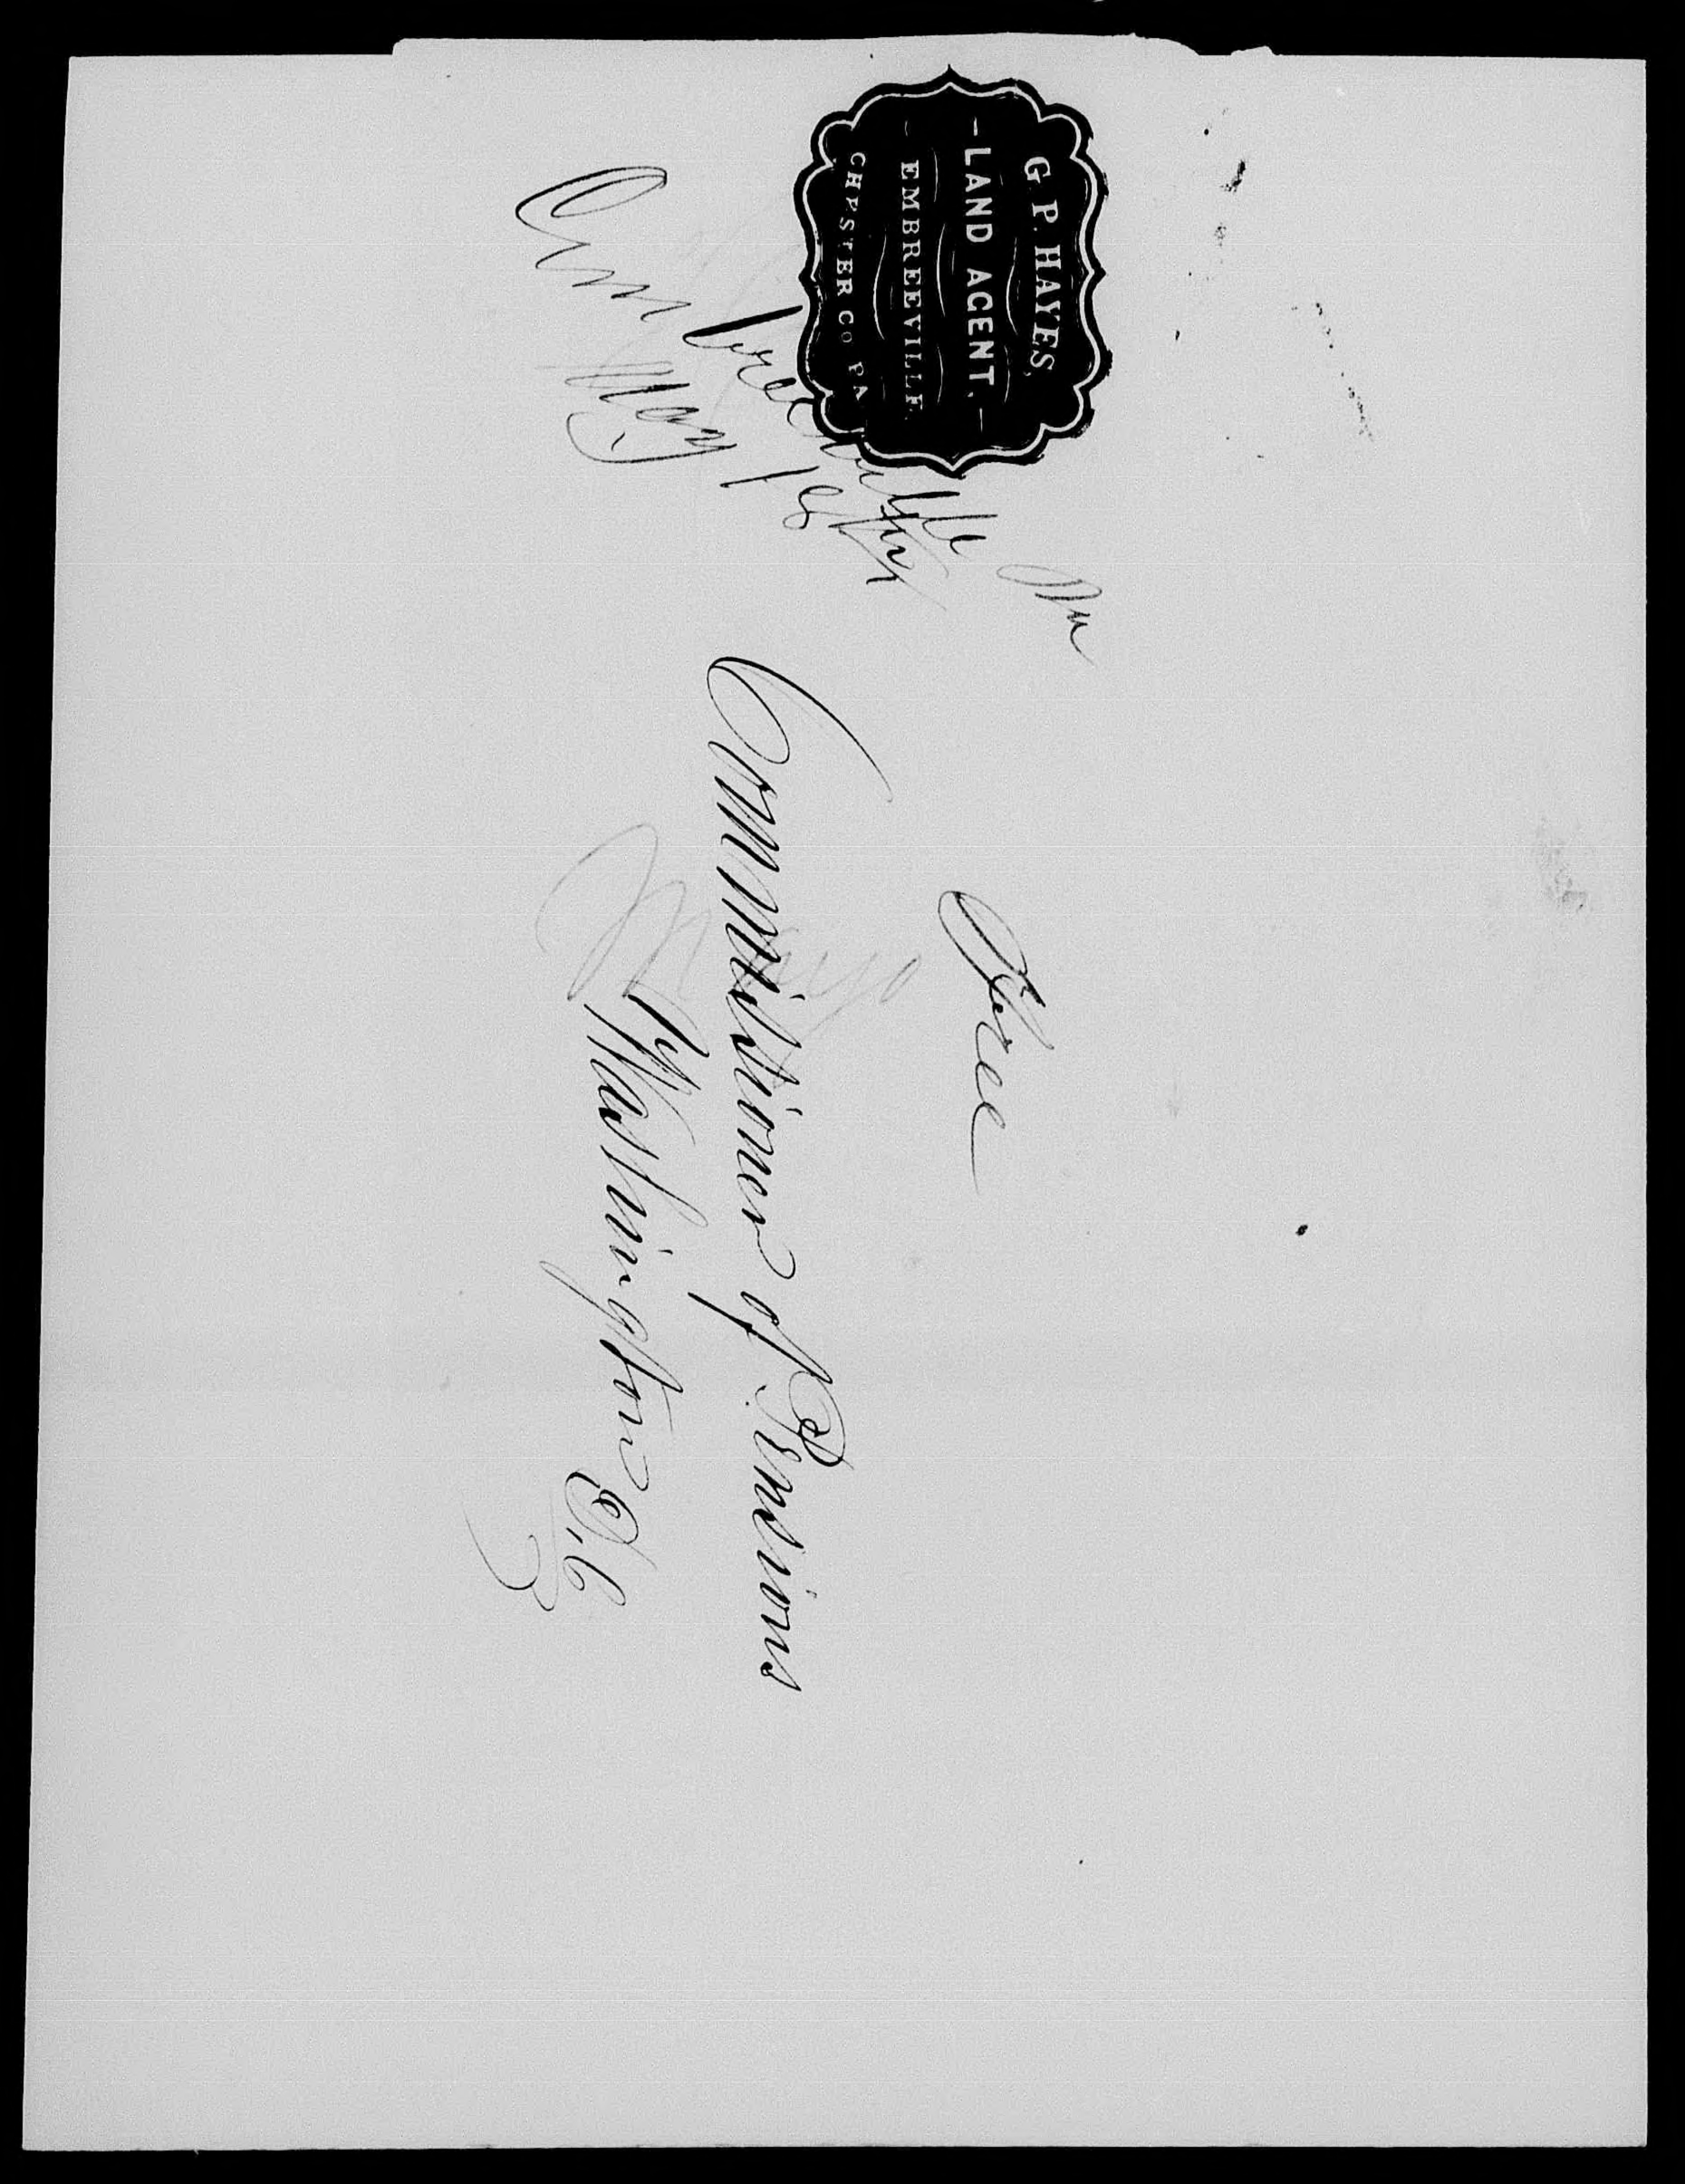Embreeville PA
May 18th

Free
Commissioner of Pensions
Washington D.C.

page: 40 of 74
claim: widow's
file: W. 9422, James Edgar, Penn.